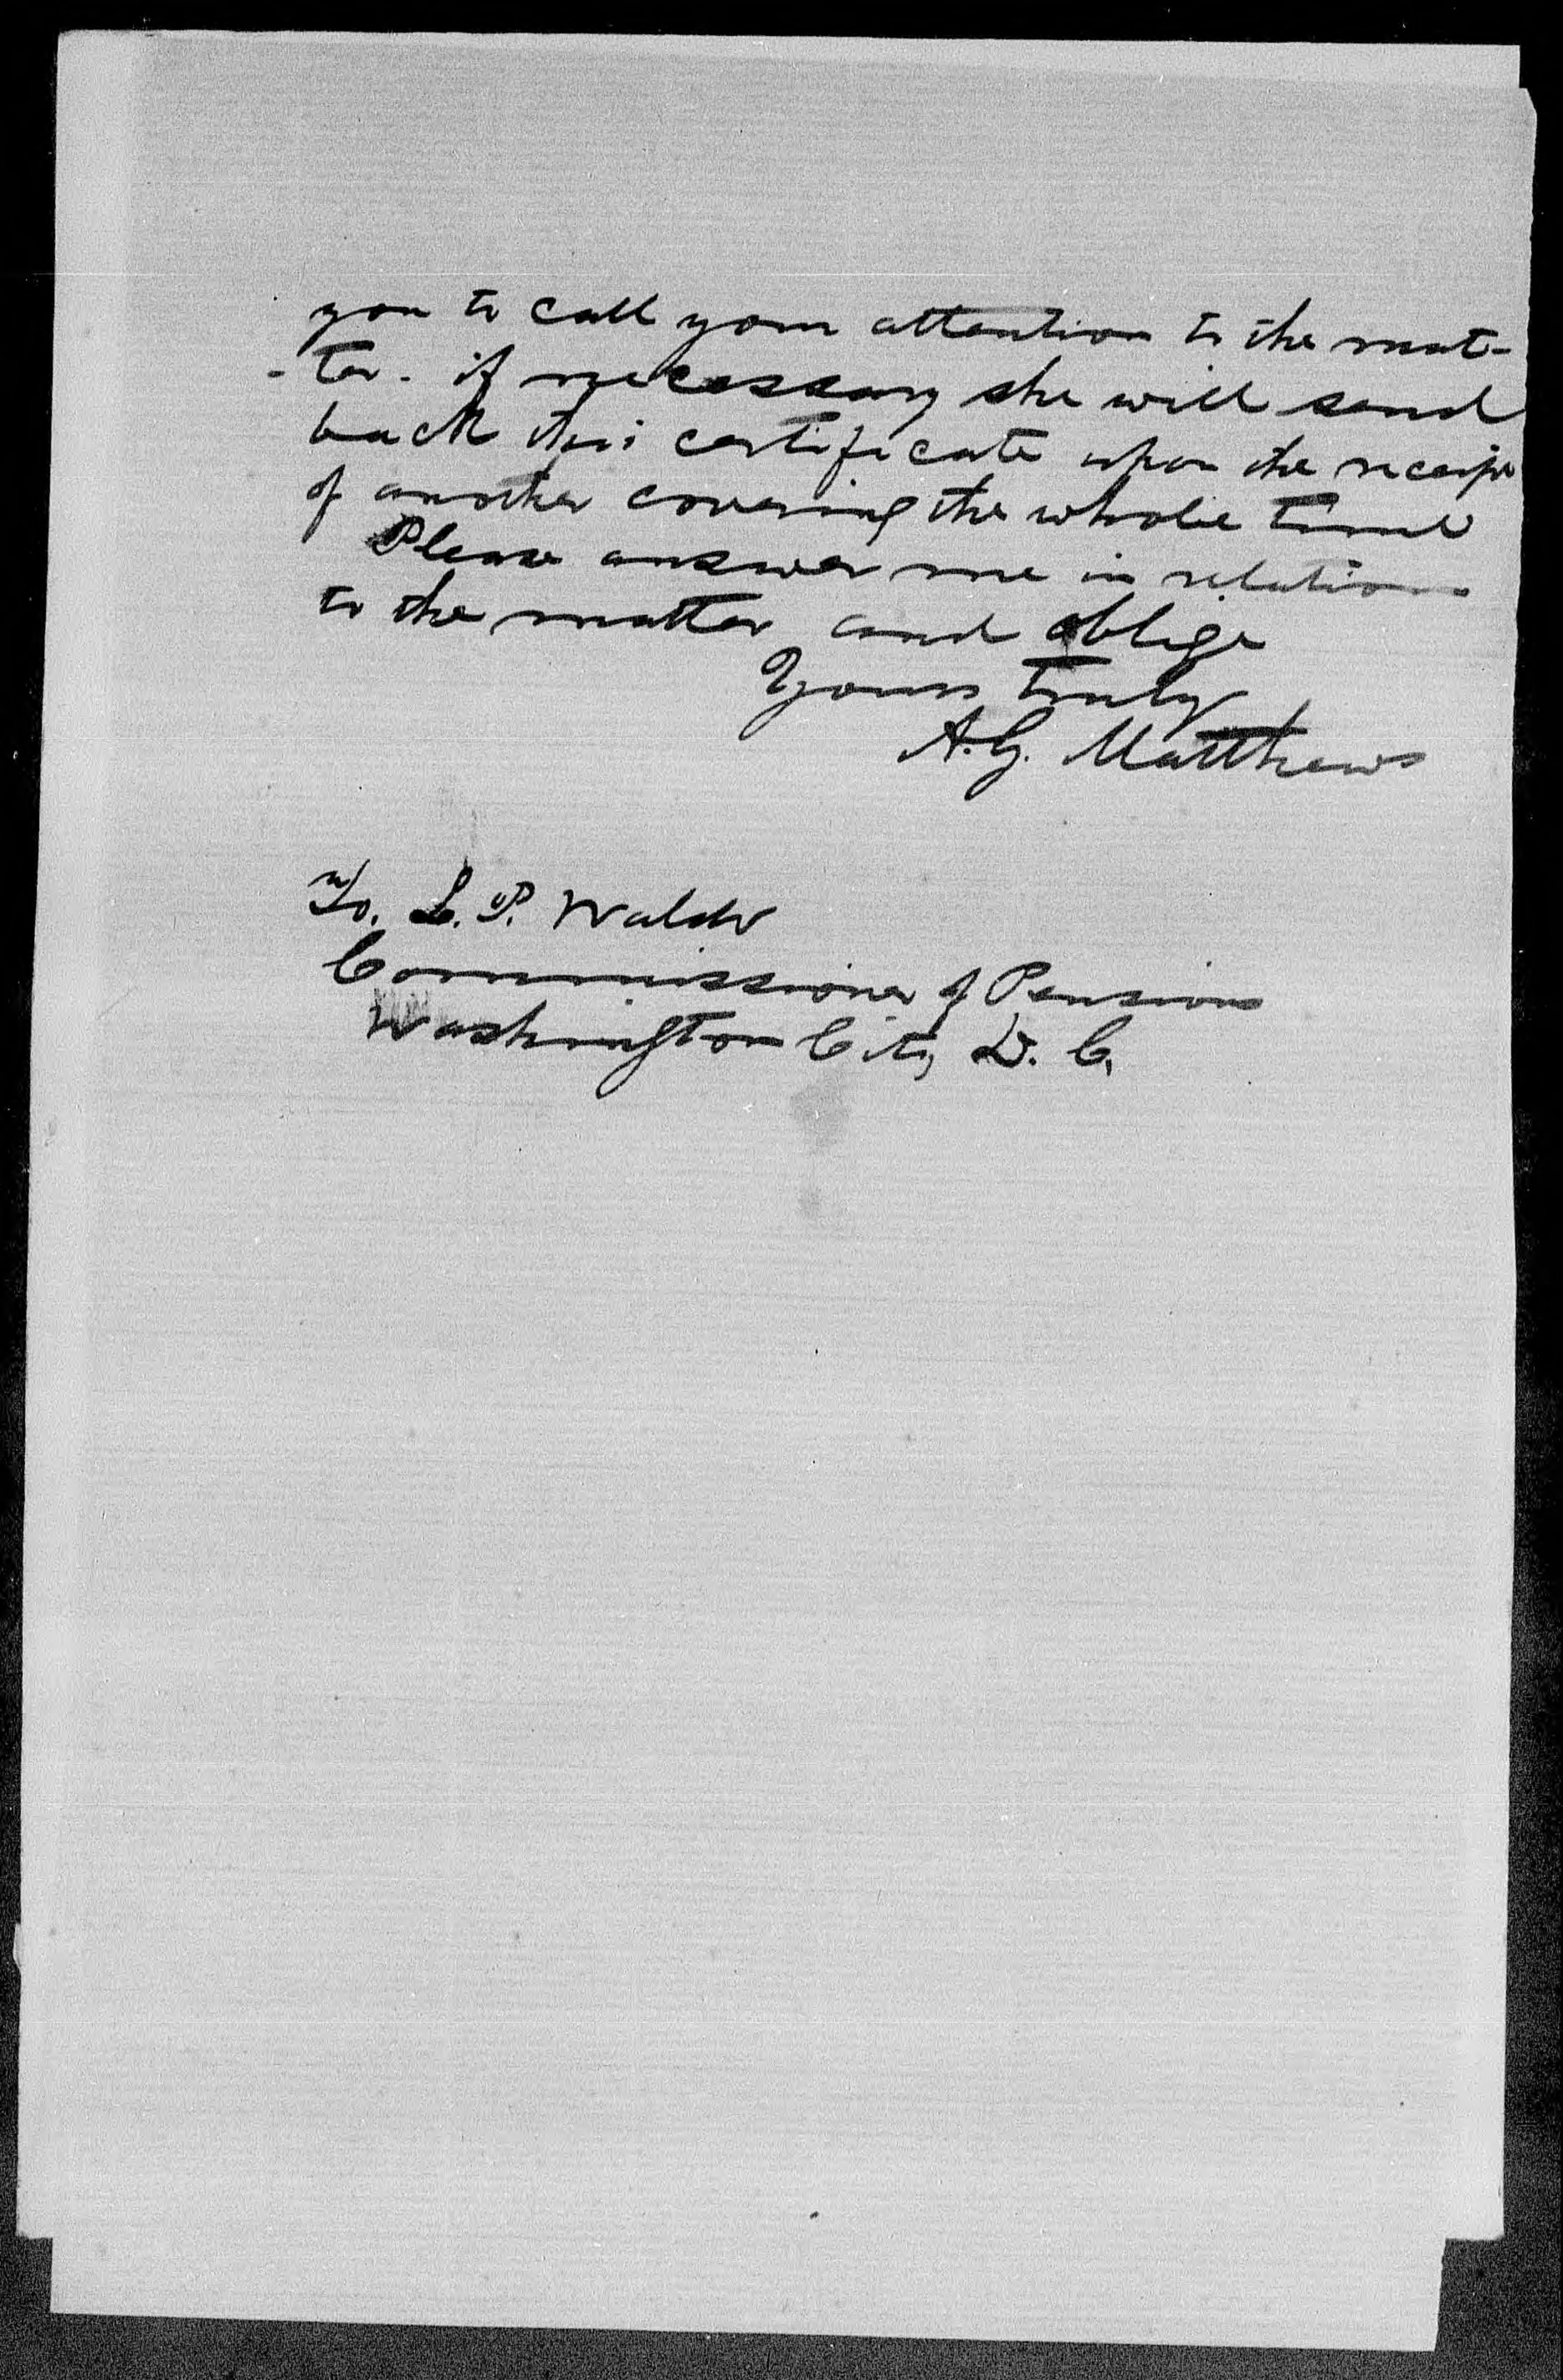you to call your attention to the matter if necessary she will send back this certificate upon the receipt of another covering the whole time

Please answer me in relation to the matter and oblige
Yours Truly
A. G. Matthews

To. L. P. Waldo
Commissioner of Pensions
Washington City D.C.
,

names: A G Matthews, L P Waldo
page: 46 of 80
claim: widow's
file: W 2070, John Crawford, Penn.